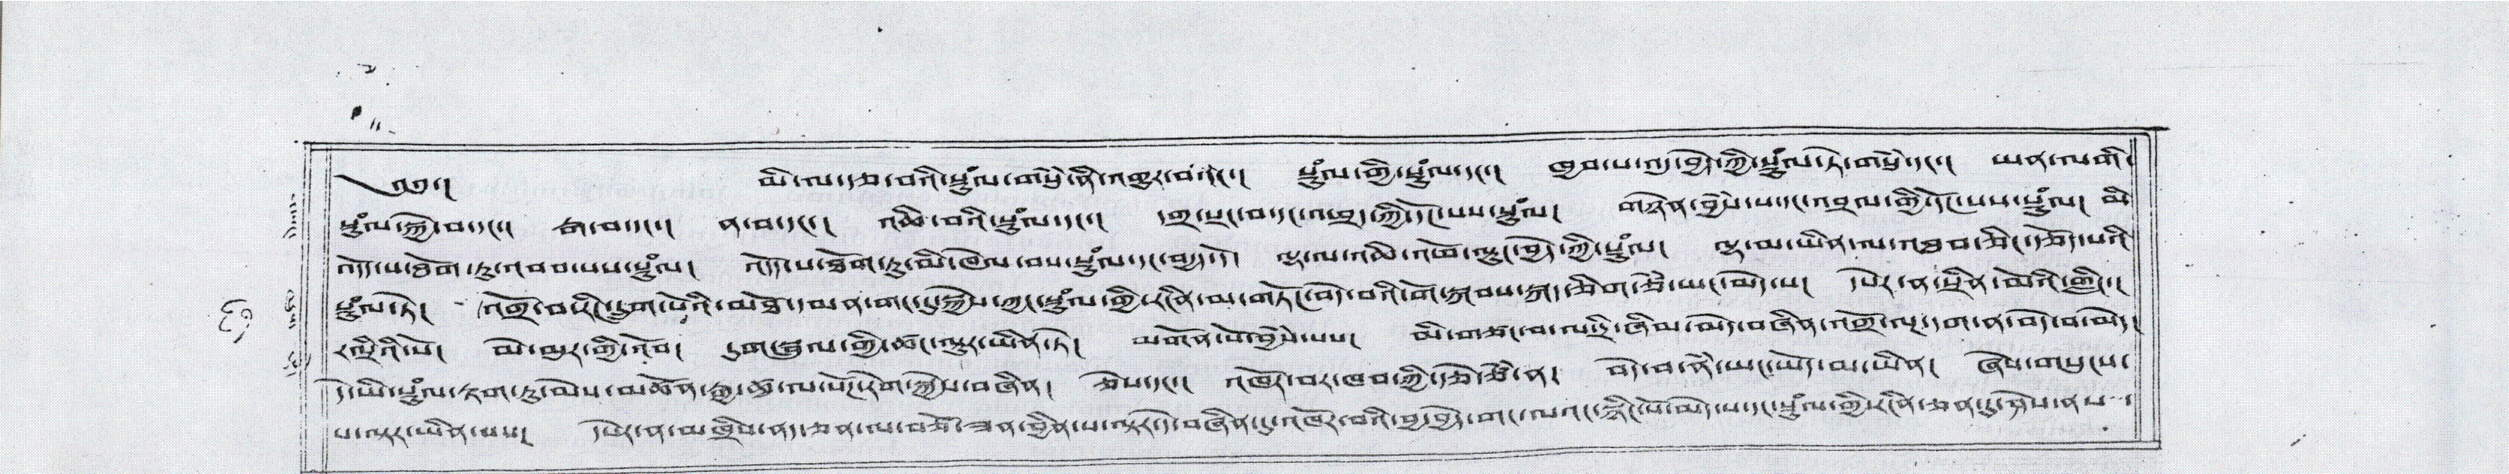མི་ལ་རྩ་བའི་སྡུག་བསྔལ་གསུམ་གྱི་འགྱུར་བ་དང་། སྡུག་བསྔལ་གྱི་སྡུག་བསྔལ་དང་། ཁྱབ་པ་འདུ་བྱེད་ཀྱི་སྡུག་བསྔལ་ཏེ་གསུམ་དང་། ཡན་ལག་གི་
སྡུག་བསྔལ་སྐྱེ་བ་དང་རྒ་བ་དང་ན་བ་དང་འཆི་བའི་སྡུག་བསྔལ་དང་། དགྲ་སྡང་བ་དང་འཕྲད་ཀྱིས་དྭོགས་པའི་སྡུག་བསྔལ། གཉེན་བྱམས་པ་དང་བྲལ་གྱིས་དྭོགས་པའི་སྡུག་བསྔལ། མི་
འདོད་པ་ཐོག་ཏུ་འབབ་པའི་སྡུག་བསྔལ། འདོད་པ་ཐོག་ཏུ་མི་ཁེལ་བའི་སྡུག་བསྔལ་དང་བརྒྱད་དོ། ལྷ་ལ་འཆི་འཕོ་ལྟུང་བྱེད་ཀྱི་སྡུག་བསྔལ། ལྷ་མ་ཡིན་ལ་འཐབ་ཅིང་རྕོད་པའི་
སྡུག་བསྔལ་ཏེ། འགྲོ་བ་རིགས་དྲུག་སེམས་ཅན་མཐོ་དམན་གང་དུ་སྐྱེས་ཀྱང་སྡུག་བསྔལ་གྱི་རང་བཞིན་མ་གཏོགས་བདེ་བའི་གོ་སྐབས་སྐད་ཅིག་ཙམ་ཡང་མེད་པ་དཔེར་ན་སྲིན་མོའི་གླིང་། 
རལ་གྲིའི་སོ། མེ་མུར་གྱི་འོབ། དུག་སྦྲུལ་གྱི་ཚང་ལྟ་བུ་ཡིན་ཏེ། མགོན་པོ་བྱམས་པས། མི་གཙང་བ་ལ་དྲི་ཞིམ་མེད་བཞིན་འགྲོ་ལྔ་དག་ན་བདེ་བ་མེད། 
དེ་ཡི་སྡུག་བསྔལ་རྟག་ཏུ་མེས་མཚོན་རྒྱ་ཚྭ་ལ་སོགས་རེག་སྐྱེས་བཞིན། ཅེས་དང་། འཁོར་བ་ཁབ་ཀྱི་རྩེ་ཙམ་ན། བདེ་བ་ནམ་ཡང་ཡོད་མ་ཡིན། ཞེས་གསུངས་
པ་ལྟར་ཡིན་པས། དཔེར་ན་མཁྲིས་ནད་ཅན་ལ་བཙོ་ཟན་བྱིན་པ་ལྟར། དེ་བཞིན་དུ་འཁོར་བའི་བྱ་བྱེད་གང་ལའང་སྙིང་པོ་མེད་པ་དང་སྡུག་བསྔལ་གྱི་རང་བཞིན་དུ་ཤེས་ནས་